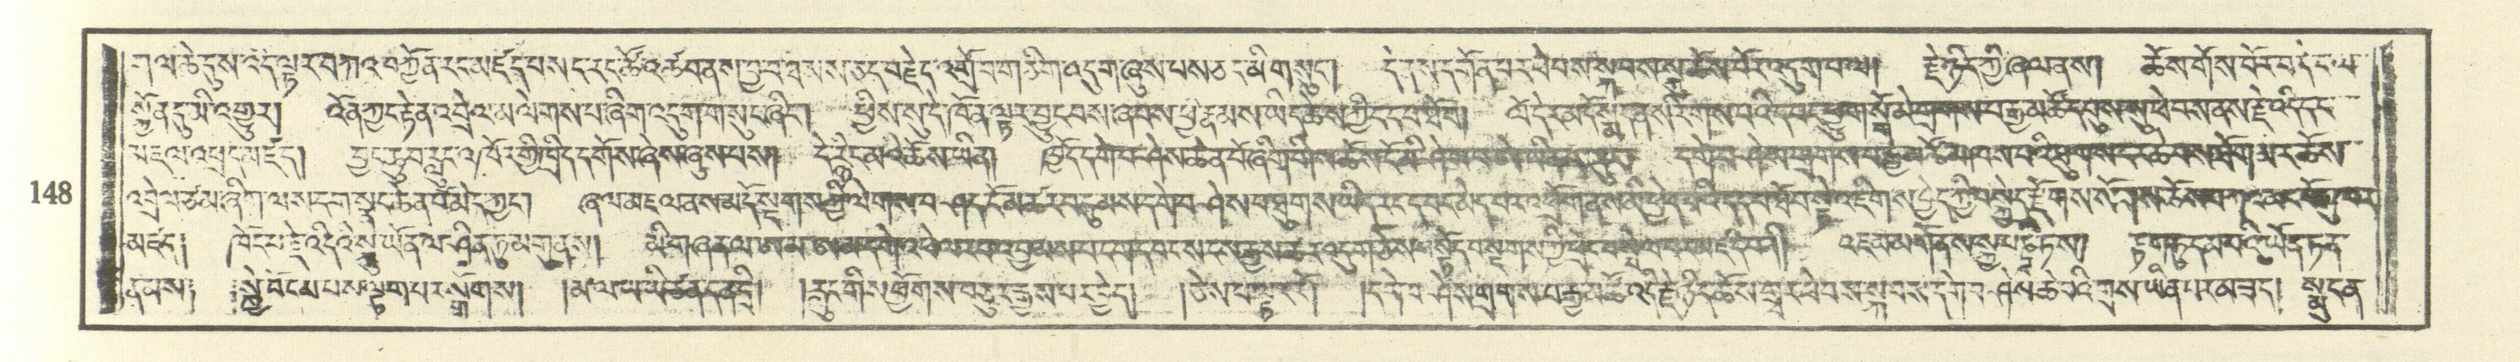གལ་ཆེ་དུས་འདི་ལྟར་བཀའ་བཀྱོན་རང་མཛད་པས་ང་རང་ཚོ་འཚབ་ནས་བྱ་བ་ཐམས་ཅད་བརྗེད་འགྲོ་བ་གཅིག་འདུག་ཞུས་པས་ཅང་མི་གསུང་། དེ་ནས་དགོན་པར་ཕེབས་སྐབས་སྐུ་ཆོས་བོར་འདུག་པ་ལ། རྗེ་ཉིད་ཀྱི་ཞལ་ནས། ཆོས་གོས་བོར་བ་དེང་ལ་
སྐྱོན་དུ་མི་འགྱུར། འོན་ཀྱང་རྟེན་འབྲེལ་མ་ལེགས་པ་ཞིག་འདུག་གསུང་ཞིང་། ཕྱིས་སུ་དེ་ཁོ་ན་ལྟར་བྱུང་བས་ཞབས་ཕྱི་རྣམས་ཡིད་ཆེས་ཀྱི་ངད་པ་ཐོབ། ལོ་དེར་མདོ་སྨད་ནས་རིགས་པའི་དབང་ཕྱུག་སྒོ་མེ་གྲགས་པ་རྒྱ་མཚོ་དབུས་སུ་ཕེབས་ནས་རྗེ་འདི་དང་
མཇལ་འཕྲད་མཛད། བྱང་ཆུབ་རླུང་འཁོར་གྱི་ཁྲིད་དགོས་ཞེས་ཞུས་པས། དེ་རྙིང་མའི་ཆོས་ཡིན། ཁྱོད་དགེ་བཤེས་ཆེན་པོ་ཞིག་གིས་ཆོས་ངོ་མི་ཤེས་པ་ཨེ་ཡིན་གསུང་། དགེ་བཤེས་གྲགས་པ་རྒྱ་མཚོ་མཁས་པའི་ཐུགས་ངར་ཆེ་བས་ཐོག་མར་ཆོས་
འབྲེལ་ཙམ་ཞིག་ལས་དག་སྣང་ཆེན་པོ་མེད་ཀྱང་། ཞལ་མཇལ་ནས་མདོ་སྔགས་ཀྱི་ལེགས་བཤད་ངོ་མཚར་བ་དུ་མས་དགེ་བཤེས་པ་ཐུགས་ཡིད་རང་དབང་མེད་པར་འཕྲོག་ནས་མི་ཕྱེད་བའི་དད་པ་ཐོབ་སྟེ་འཇིགས་བྱེད་ཀྱི་བསྐྱེད་རྫོགས་སོགས་ཆོས་བཀའ་མང་པོ་ཞུ་བར་
མཛད༑ ཁོང་པ་རྗེ་འདིའི་སྐུ་ཡོན་ལ་ཤིན་ཏུ་མགུ་ནས། མི་གཞན་ལ་ཨ་མ་ཨ་མ་དགེ་འཕེལ་རབ་འབྱམས་པ་དག་དབང་སངས་རྒྱས་ཆར་འདུག་ཅེས་བསྟོད་བསྔགས་ཀྱི་ཕྲེང་བ་སྤེལ་བར་མཛད་པ་ནི། འཇམ་མགོན་ས་སྐྱ་པཎྜི་ཏས། རྟག་ཏུ་དམ་པའི་ཡོན་ཏན་
རྣམས༑ ༑སྐྱེ་བོ་དམ་པས་ལྷག་པར་སྒྲོགས། །མ་ལ་ཡ་ཡི་ཙན་དན་དྲི། །རླུང་གིས་ཕྱོགས་བཅུར་རྒྱས་པར་བྱེད། །ཅེས་པ་ལྟར་རོ། །དགེ་བཤེས་གྲགས་པ་རྒྱ་མཚོ་འདི་རྗེ་ཉིད་ཉིད་ཆོས་གྲྭར་ཕེབས་སྐབས་དགེ་བཤེས་ཆེ་བའི་གྲས་ཡིན་པར་མ་ཟད། སྨྲ་ངན་